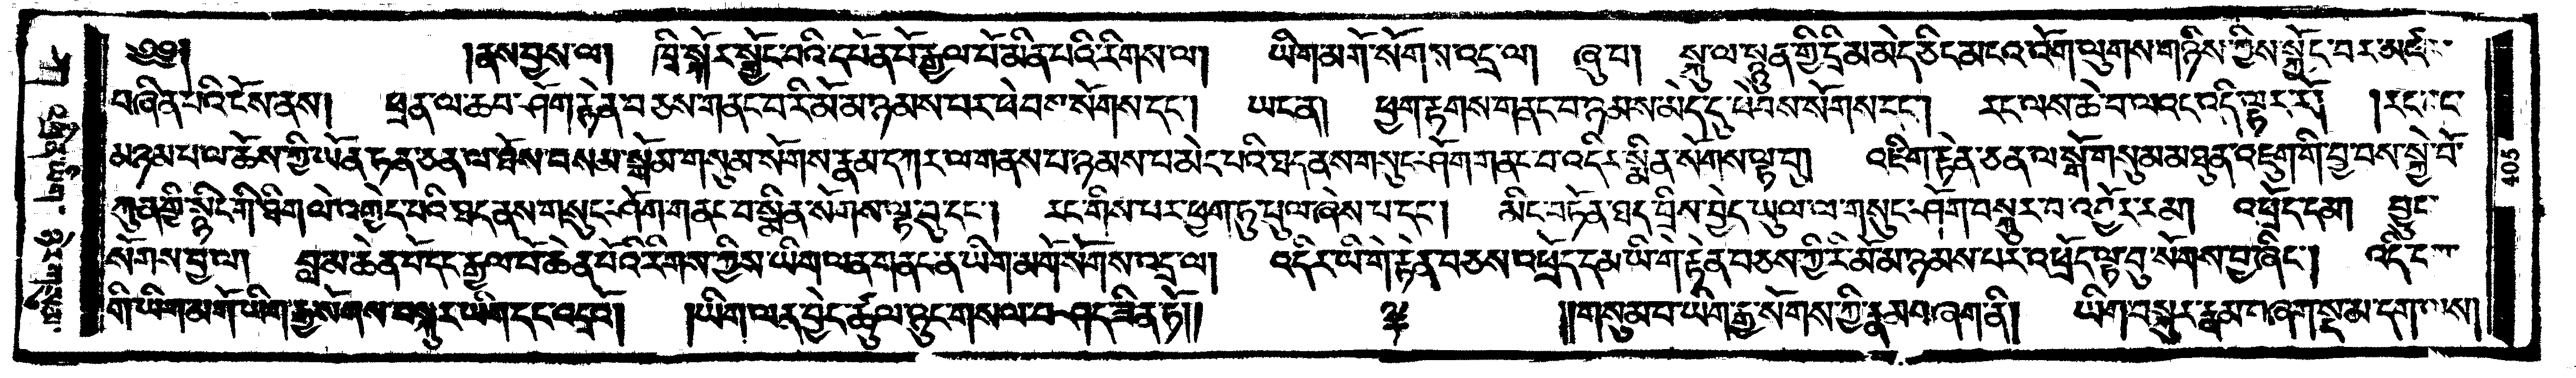༄༅། །ནས་བྱས་ལ། ཁྲི་སྐོར་སྦྱོང་བའི་དཔོན་པོ་རྒྱལ་པོ་མིན་པའི་རིགས་ལ། ཡིག་མགོ་སོགས་འདྲ་ལ། ཞུ་བ། སྐུ་ལ་སྙུན་གྱི་དྲི་མ་མེད་ཅིང་མངའ་འོག་ལུགས་གཉིས་ཀྱིས་སྐྱོང་བར་མཛ?
བཞིན་པའི་ངོས་ནས། ཕྲན་ལ་ཆབ་ཤོག་རྟེན་བཅས་གནང་བ་རི་མོ་མཉམས་པར་ཕེབས་སོགས་དང་། ཡང་ན། ཕྱག་རྟགས་གནང་བ་ཉམས་མེད་དུ་ཕེབས་སོགས་དང་། རང་ལས་ཆེ་བ་ལའང་འདི་ལྟར་རོ། །རང་འང?
མཉམ་པ་ལ་ཆོས་ཀྱི་ཡོན་ཏན་ཅན་ཐོས་བསམ་སྒོམ་གསུམ་སོགས་རྣམ་དཀར་ལ་གནས་པ་ཉམས་པ་མེད་པའི་ཐད་ནས་གསུངས་ཤོག་གནང་བ་འདིར་སྨིན་སོགས་ལྟ་བུ། འཇིག་རྟེན་ཅན་ལ་སྒོ་གསུམ་མཐུན་འཇུག་གི་བྱ་བས་སྐྱེ་བོ་
ཀུན་གྱི་སྙིང་གི་ཐིག་ལེ་འགྱེད་པའི་ཐད་ནས་གསུང་ཤོག་གནང་བ་སྨིན་སོགས་ལྟ་བུ་དང་། རང་གི་པར་ཕྱག་ཏུ་པུ་ལ་ཞེས་པ་དང་། མིང་བཏོན་ཐད་བྲིས་བྱེད་ཡུལ་ལ་གསུམ་ཤོག་བསྐུར་བ་འབྱོར་རྨ། འཕྲོད་དམ། བྱུང་
སོགས་བྱ་ལ། བླ་མ་ཆེན་པོ་དང་རྒྱལ་པོ་ཆེན་པོའི་རིགས་ཀྱི་ཡིག་ལན་གནང་ན་ཡིག་མགོ་སོགས་འདྲ་ལ། འདིར་ཡི་གེ་རྟེན་བཅས་འཕྲོད་དམ་ཡི་གེ་རྟེན་བཅས་ཀྱི་རི་མོ་མཉམ་པར་འཕྲོད་ལྟ་བུ་སོགས་བྱ་ཞིང་། འདི་དག?
གི་ཡིག་མགོ་ཡིག་རྒྱ་སོགས་བསྐུར་ཡིག་དང་འདྲའོ། །ཡིག་ལན་བྱེད་ཚུལ་ཉུང་གསལ་བཤད་ཟིན་ཏོ།། ༈ །།གསུམ་པ་ཡིག་རྒྱ་སོགས་ཀྱི་རྣམ་བཞག་ནི། ཡིག་བསྐུར་རྣམ་བཞག་སྡ་མ་དག་ལས།